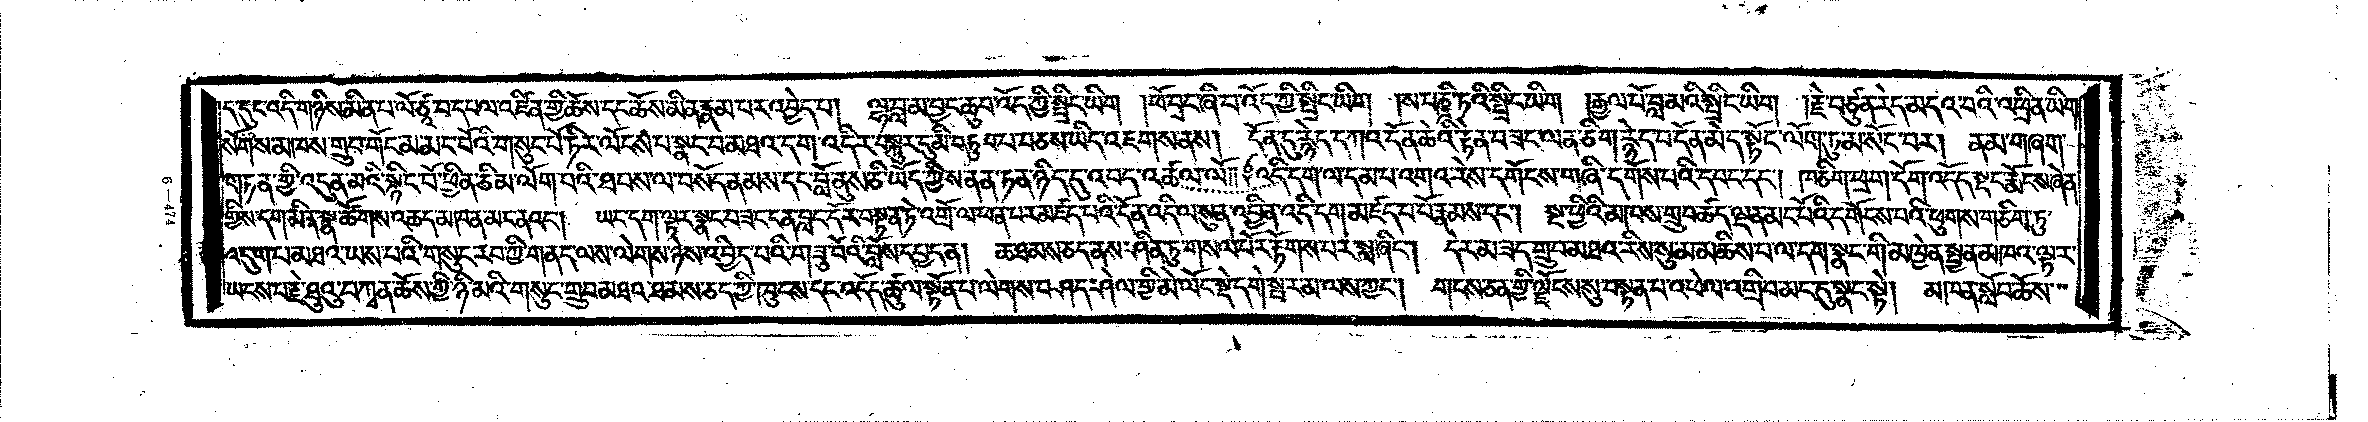ད་དུང་འདི་གཉིས་མིན་པ་ལོ་ཙཱ་བ་དཔལ་འཛིན་གྱི་ཆོས་དང་ཆོས་མིན་རྣམ་པར་འབྱེད་པ། ལྷ་བླ་མ་བྱང་ཆུབ་འོད་ཀྱི་སྤྲིང་ཡིག །ཕོ་བྲང་ཞི་བ་འོད་ཀྱི་སྤྲིང་ཡིག །ས་པཎྜའི་ཏའི་སྤྲིང་ཡིག །རྒྱལ་པོ་བླ་མའི་སྤྲིང་ཡིག །རྗེ་བཙུན་རེད་མདའ་བའི་འཕྲིན་ཡིག་
སོགས་མཁས་གྲུབ་གོང་མ་མང་པོའི་གསུང་པོ་ཏིར་ལོངས་པ་སྣང་བ་མཐའ་དག་འདིར་བསྐུར་དུ་མི་བཏུབ་པ་བཅས་ཡིད་འཇགས་ནས། དོན་དུ་རྙེད་དཀའ་དོན་ཆེའི་རྟེན་བཟང་ལན་ཅིག་རྙེད་པ་དོན་མེད་སྟོང་ལོག་ཏུ་མ་སོང་བར། ནམ་གཞག་
གཏན་གྱི་འདུན་མའི་སྙིང་པོ་ཕྱིན་ཅི་མ་ལོག་པའི་ཐབས་ལ་བསོད་ནམས་དང་བློ་ནུས་ཅི་ཡོད་ཀྱིས་ནན་ཏན་ཉིད་དུ་འབད་འཚལ་ལོ། ། ༈ འདི་དག་ལ་དམ་པ་འགའ་རེས་དགོངས་གཞི་དགོས་པའི་དབང་དང་། ཁ་ཅིག་ཕྲག་དོག་འདོད་སྡང་རྨོངས་ཞེན་
གྱིས་དག་མིན་སྣ་ཚོགས་འཆད་མཁན་མང་ནའང་། ཡང་དག་ལྟར་སྣང་བཟང་ངན་བླང་དོར་བསྟན་ཏེ་འགྲོ་ལ་ཕན་པར་མཛད་པའི་དོན་འདི་ལ་སུན་འབྱིན་འདི་དག་མཛད་པ་པོ་རྣམས་དང་། སྔ་ཕྱིའི་མཁས་གྲུབ་ཚད་ལྡན་མང་པོའི་དགོངས་པའི་ཕུགས་གཅིག་ཏུ་
འདུག་པ་མཐའ་ཡས་པའི་གསུང་རབ་ཀྱི་གནད་ལས་ལེགས་ཉེས་འབྱིད་པའི་གཟུ་བོའི་བློས་དཔྱད་ན། ཆ་ཐམས་ཅད་ནས་ཤིན་ཏུ་གསལ་པོར་རྟོགས་པར་སླ་ཞིང་། དེར་མ་ཟད་གྲུབ་མཐའ་རིས་སུ་མ་མཆིས་པ་ལ་དག་སྣང་གི་མཁྱེན་སྤྱན་མཁའ་ལྟར་
ཡངས་བ་རྗེ་ཐུའུ་བཀྭན་ཆོས་ཀྱི་ཉི་མའི་གསུང་གྲུབ་མཐའ་ཐམས་ཅད་ཀྱི་ཁུངས་དང་འདོད་ཚུལ་སྟོན་པ་ལེགས་བཤད་ཤེལ་གྱི་མེ་ལོང་སྡེ་དགེ་སྤར་མ་ལས་ཀྱང་། གངས་ཅན་གྱི་ལྗོངས་སུ་བསྟན་པ་འཕེལ་འགྲིབ་མང་དུ་སྣང་སྟེ། མཁན་སློབ་ཆོས་